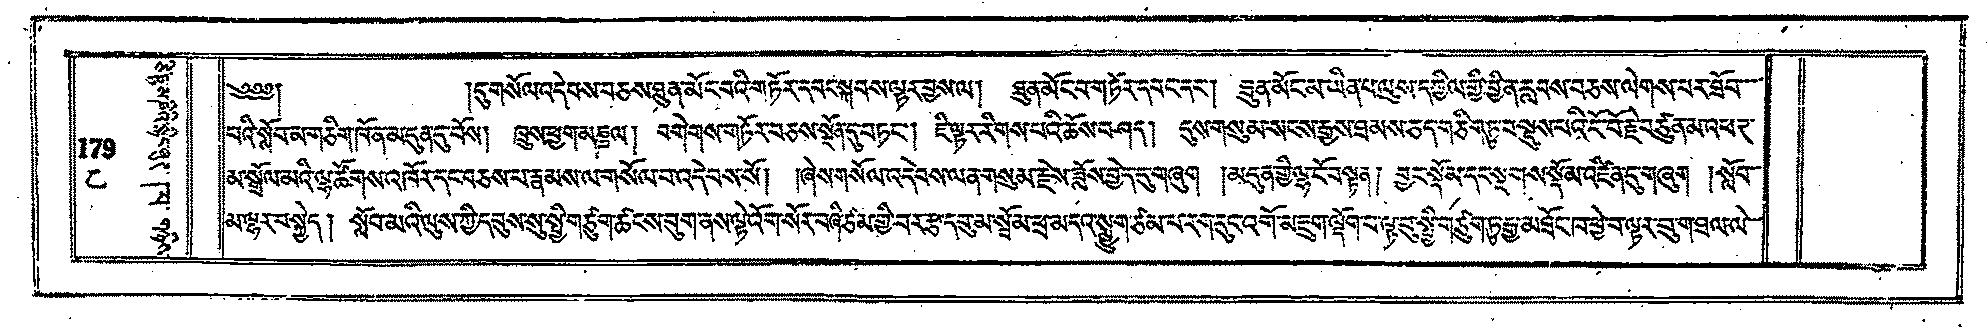༄༅༅། །དུ་གསོལ་འདེབས་བཅས་ཐུན་མོང་བའི་གཏོར་དབང་སྐབས་ལྟར་བྱས་ལ། ཐུན་མོང་བ་གཏོར་དབང་དང་། ཐུན་མོང་མ་ཡིན་པ་ལུས་དཀྱིལ་གྱི་བྱིན་རླབས་བཅས་ལེགས་པར་ཐོབ་་་
པའི་སློབ་མ་གཅིག་ཁོ་ན་མདུན་དུ་བོས། ཁྲུས་ཕྱག་མཎྜལ། བགེགས་གཏོར་བཅས་སྔོན་དུ་བཏང་། ཇི་ལྟར་རིགས་པའི་ཆོས་བཤད། དུས་གསུམ་སངས་རྒྱས་ཐམས་ཅད་གཅིག་ཏུ་བསྡུས་པའི་ངོ་བོ་རྗེ་བཙུན་མ་འཕཌ་
མ་སྒྲོལ་མའི་ལྷ་ཚོགས་འཁོར་དང་བཅས་པ་རྣམས་ལ་གསོལ་བ་འདེབས་སོ། །ཞེས་གསོལ་འདེབས་ལན་གསུམ་རྗེས་ཟློས་བྱེད་དུ་གཞུག །མདུན་གྱི་ལྷ་ངོ་བསྟན། བྱང་སྡོམ་མ་དང་སྔགས་སྡོམ་འཛིན་དུ་གཞུབ་།སློབ་་་
མ་ལྷར་བསྐྱེད། སློབ་མའི་ལུས་ཀྱི་དབུས་སུ་སྤྱི་གཙུག་ཚངས་བུག་ནས་ལྟེ་འོག་སོར་བཞི་ཙམ་གྱི་བར་རྩ་དབུ་མ་སྦོམ་ཕྲ་མདའ་སྨྱུག་ཙམ་པ་རག་དུང་འགོ་མཇུག་ལྡོག་པ་ལྟ་བུ་སྤྱི་གཙུག་ཏུ་རྒྱ་མཐོང་ཁ་ཕྱེ་བ་ལྟར་བུ་ག་ཐལ་ལེ་་་